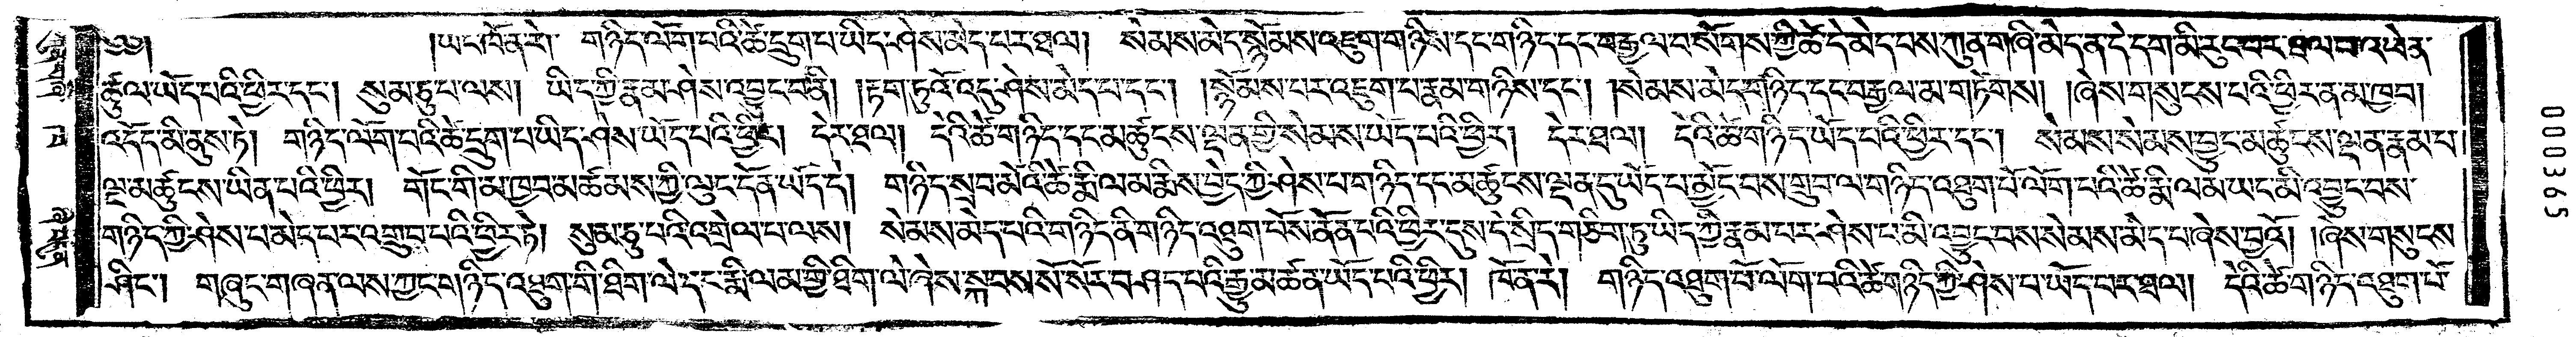༄༅། །ཡང་ཁོ་ན་རེ། གཉིད་ལོག་པའི་ཚེ་དྲུག་པ་ཡིད་ཤེས་མེད་པར་ཐལ། སེམས་མེད་སྙོམས་འཇུག་གཉིས་དང་གཉིད་དང་བརྒྱལ་བ་སོགས་ཀྱི་ཚེ་དེ་མེད་པས་ཀུན་གཞི་མེད་ན་དེ་དག་མི་རུང་བར་ཐལ་བ་འཁེན་
ཚུལ་ཡོད་པའི་ཕྱིར་དང་། སུམ་ཅུ་པ་ལས། ཡིད་ཀྱི་རྣམ་ཤེས་འབྱུང་བ་ནི། །རྟག་ཏུའོ་འདུ་ཤེས་མེད་པ་དང་། །སྙོམས་པར་འཛུག་པ་རྣམ་གཉིས་དང་། །སེམས་མེད་གཉིད་དང་བརྒྱལ་མ་གཏོགས། །ཞེས་གསུངས་པའི་ཕྱིར་ན་མ་ཁྱབ།
འདོད་མི་ནུས་ཏེ། གཉིད་ལོག་པའི་ཚེ་དྲུག་པ་ཡིད་ཤེས་ཡོད་པའི་ཕྱིར། དེར་ཐལ། དེའི་ཚེ་གཉིད་དང་མཚུངས་ལྡན་གྱི་སེམས་ཡོད་པའི་ཕྱིར། དེར་ཐལ། དེའི་ཚེ་གཉིད་ཡོད་པའི་ཕྱིར་དང་། སེམས་སེམས་བྱུང་མཚུངས་ལྡན་རྣམ་པ་
ལྔ་མཚུངས་ཡིན་པའི་ཕྱིར། གོང་གི་མ་ཁྱབ་མཚམས་ཀྱི་ལུང་དོན་ཡོད་དེ། གཉིད་སྲབ་མོའི་ཚེ་རྨི་ལམ་རྨིས་བྱེད་ཀྱི་ཤེས་པ་གཉིད་དང་མཚུངས་ལྡན་དུ་ཡོད་པ་མྱོང་བས་གྲུབ་ལ་གཉིད་འཐུག་པོ་ལོག་པའི་ཚེ་རྨི་ལམ་ཡང་མི་འབྱུང་བས་
གཉིད་ཀྱི་ཤེས་པ་མེད་པར་འགྲུབ་པའི་ཕྱིར་ཏེ། སུམ་ཅུ་པའི་འགྲེལ་པ་ལས། སེམས་མེད་པའི་གཉིད་ནི་གཉིད་འཐུག་པོས་ནོན་པའི་ཕྱིར་དུས་དེ་སྲིད་གཅིག་ཏུ་ཡིད་ཀྱི་རྣམ་པར་ཤེས་པ་མི་འབྱུང་བས་སེམས་མེད་པ་ཞེས་བྱའོ། །ཞེས་གསུངས་
ཤིང་། གཞུང་གཞན་ལས་ཀྱང་གཉིད་འཐུག་གི་ཐིག་ལེ་དང་རྨི་ལམ་གྱི་ཐིག་ལེ་ཞེས་སྐབས་སོ་སོར་བཤད་པའི་རྒྱུ་མཚན་ཡོད་པའི་ཕྱིར། ཁོ་ན་ར། གཉིད་འཐུག་པོ་ལོག་པའི་ཚེ་གཉིད་ཀྱི་ཤེས་པ་ཡོད་པར་ཐལ། དེའི་ཚེ་གཉིད་འཐུག་པོ་